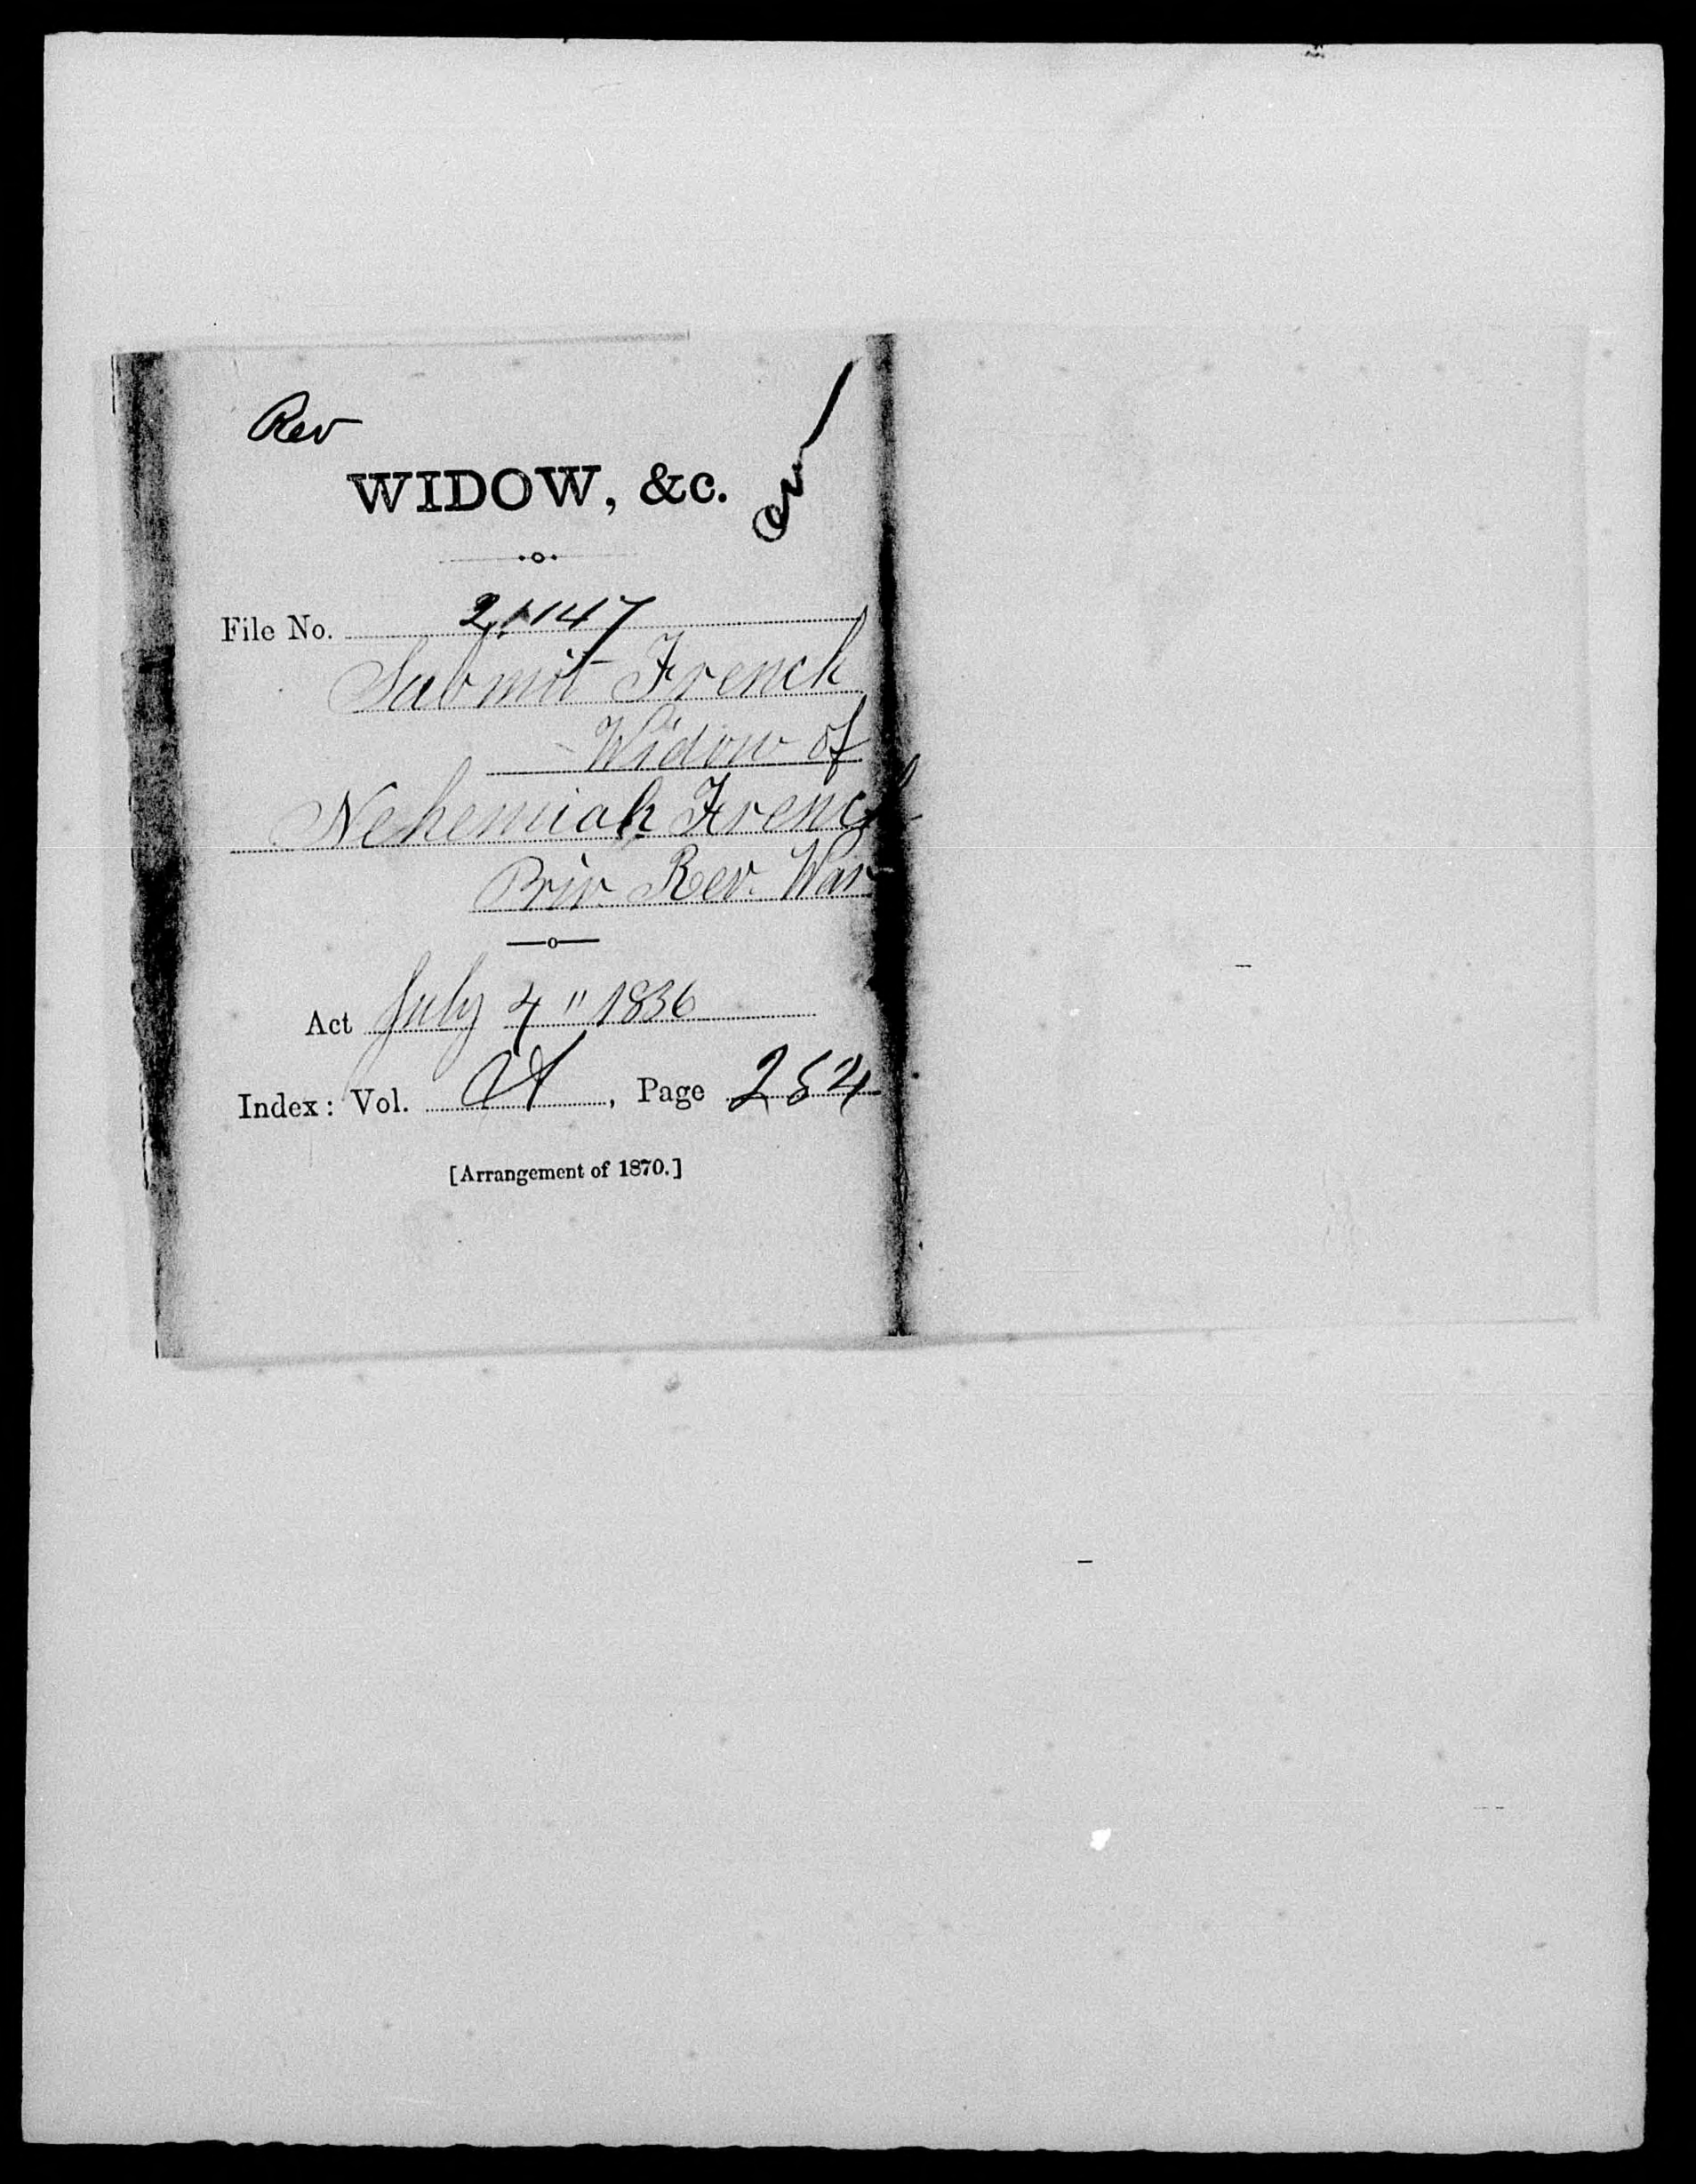Rev
WIDOW, &c.   own

File No.  21,147

Submit French
Widow of
Nehemiah French
Priv  Rev.  War

Act July 4" 1836

Index:---Vol. A,  Page 284

[Arrangement of 1870.]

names: Nehemiah French, Submit French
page: 12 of 18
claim: widow's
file: W. 21,147, Nehemiah French, Mass. Or N.H.